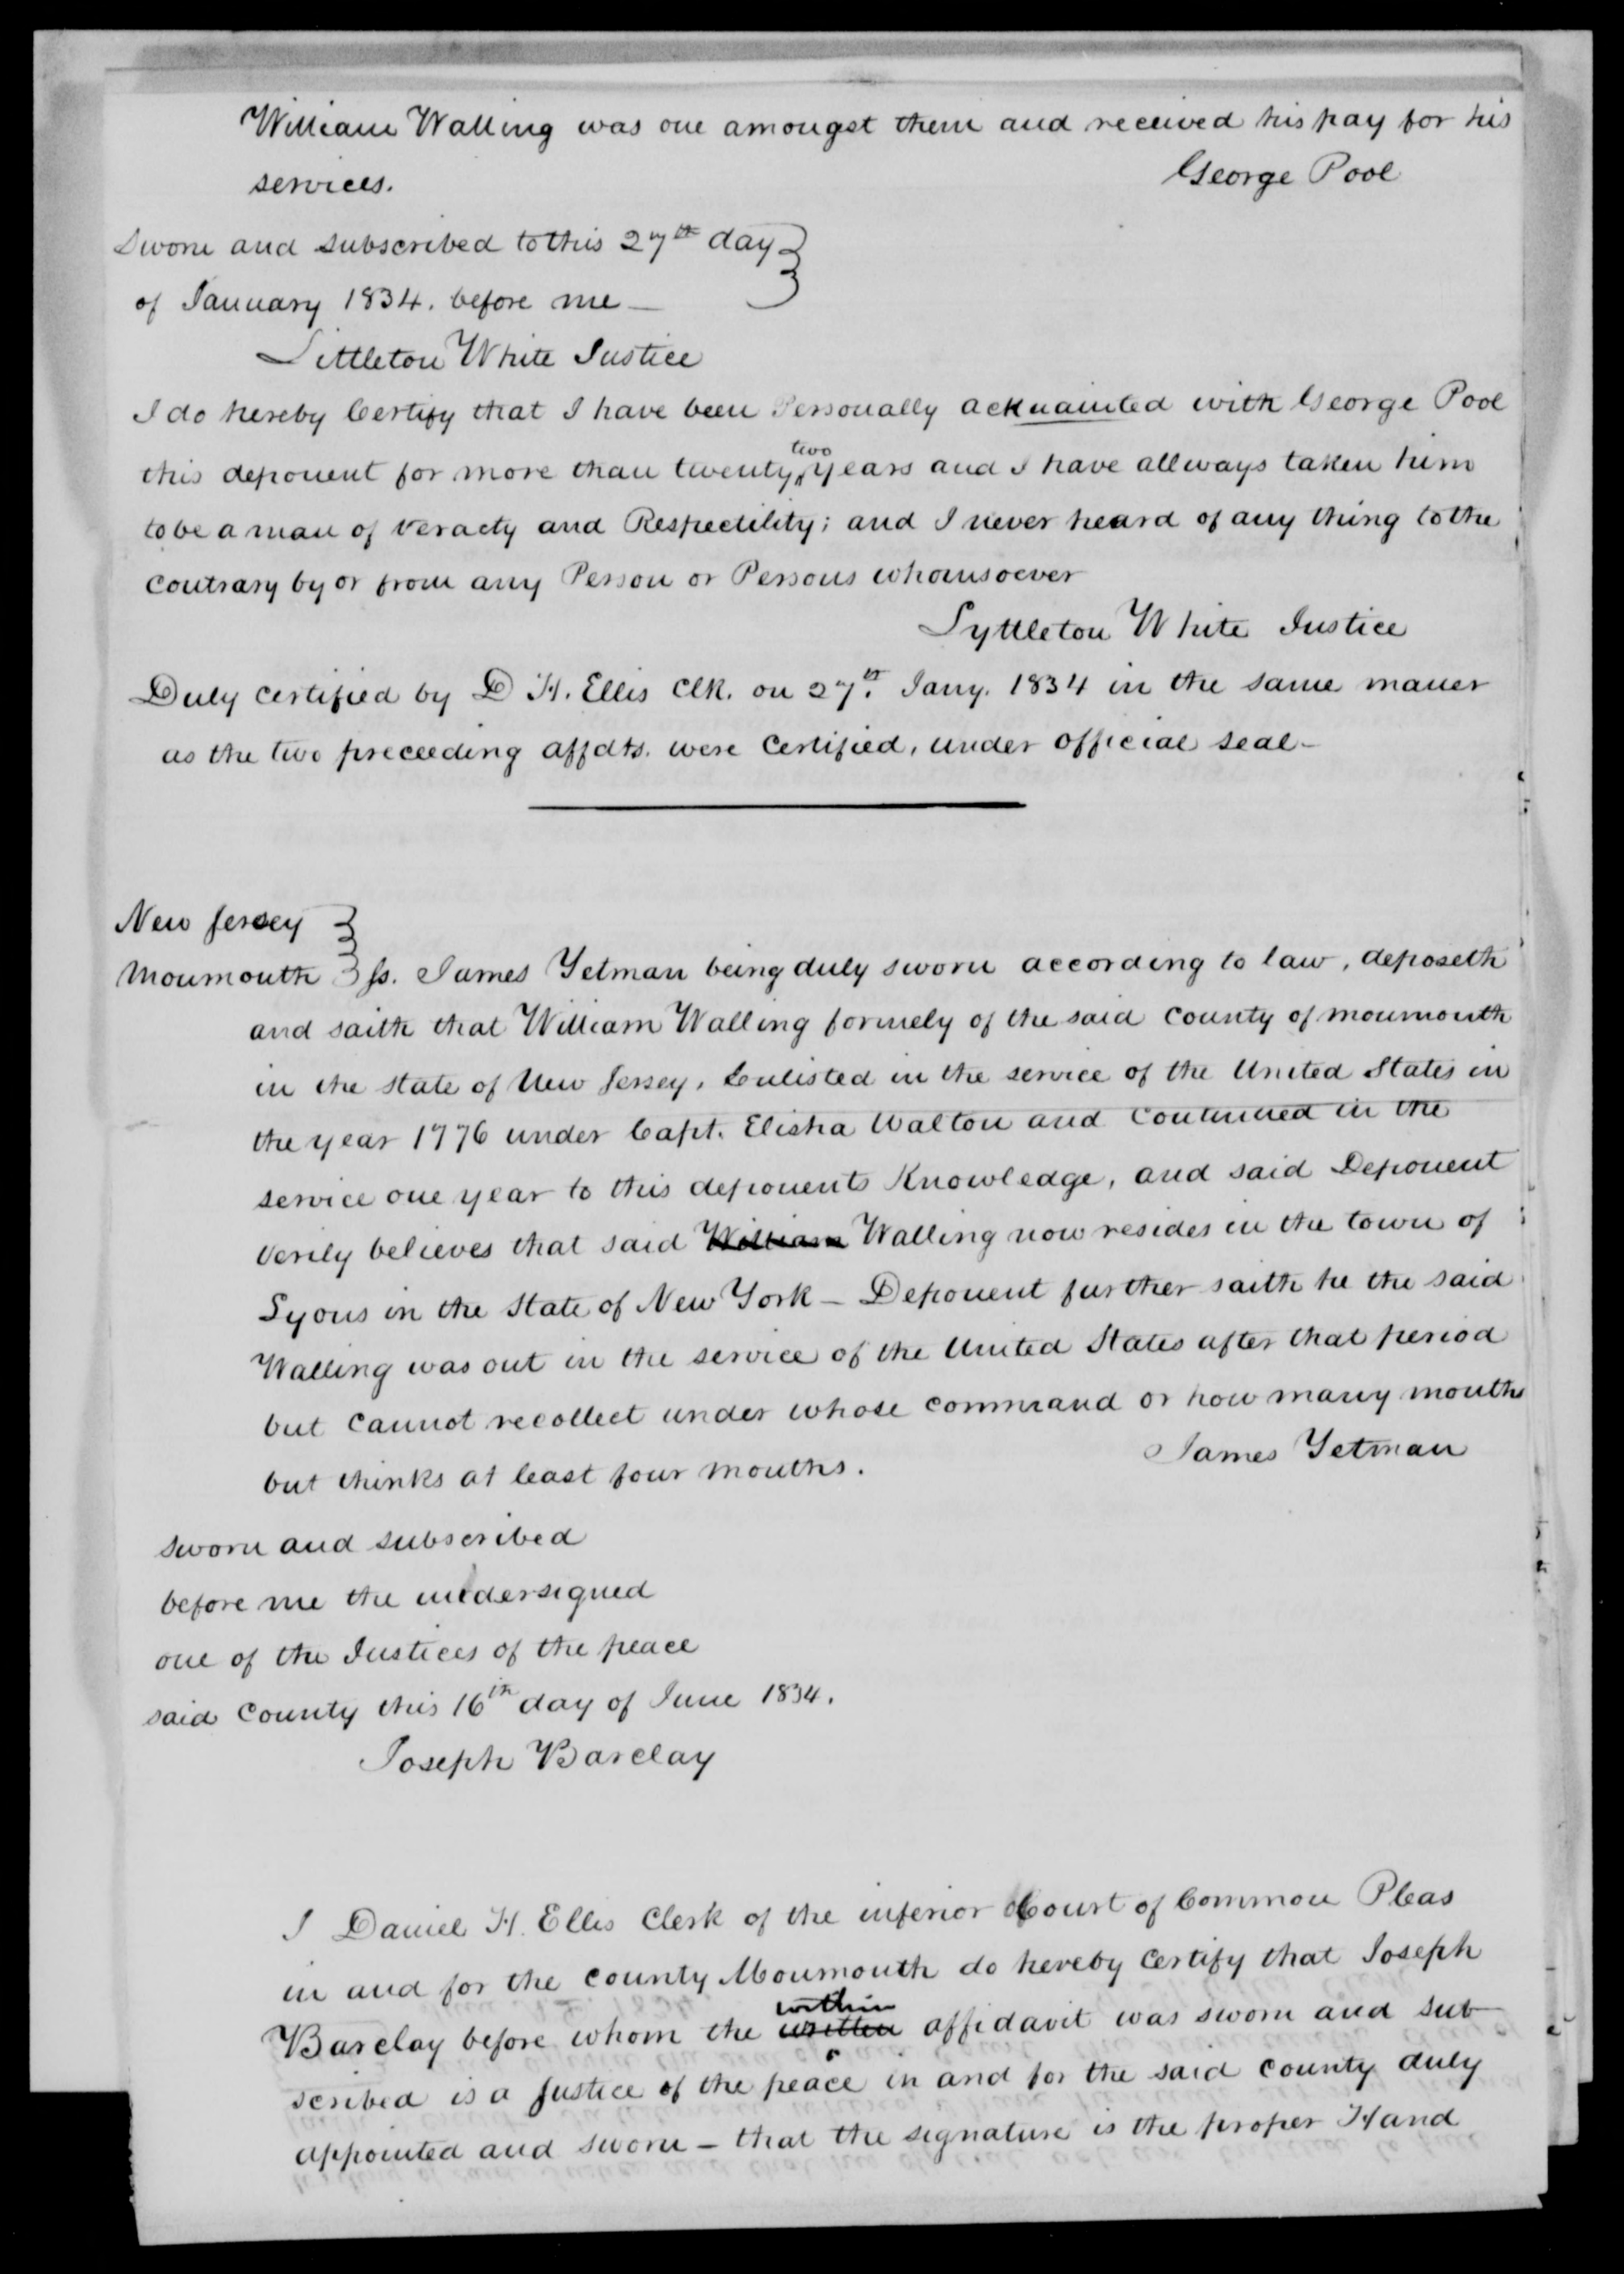William walling was one amongst them and received his pay for his services.  George Pool

Sworn and subscribed to this 27th day of January 1834 before me Littleton White, Justice

I do hereby certify that I have been personally acquainted with George Pool this deponent for more than twenty two years and I have always taken him to be a man of veracity and Respectability and I never hear of any thing to the contrary by or from any person or persons whomsoever, Littleton White, Justice
Duly certified by DH Ellis Clk on 27th Jany (sic) 1834 in the same manner as the two preceding affdvts were certified, under official seal

New Jersey
Monmouth, ss
James Yetman being duly sworn according to law, deposeth and saith that William Walling formerly of the said county of Monmouth in the State of New Jersey, enlisted in the service of the United States in the year 1776 under Capt. Elisha Walton and continued in the service one year to this deponent's knowledge, and said deponent verily believes that said William Walling now resides in the town of Lyons In the State of New York.  Deponent further saith he the said Walling was out in the service of the United States after that period but cannot recollect under whose command or how many months but thinks at least four months.  James Yetman

Sworn and subscribed before me the undersigned one of the Justices of the Peace said county this 16th day of June 1834, Joesph Barclay

I David JH Ellis Clerk of the inferior Court of Common Pleas in and for the county Monmouth do hereby certify that Joseph Barclay before whom the within [crossed out, written] affidavit was sworn and subscribed is a Justice of the Peace in and for the said county duly appointed and sworn that the signature is the proper hand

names: Daniel H Ellis, William Walling, William Walling, Joseph Barclay, Walling, Littleton White, George Pool, James Yetman, James Yetman, Elisha Walton, D H Ellis, George Pool, Lyttleton White, William Walling, Joseph Barclay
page: 47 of 66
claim: widow's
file: W. 19588, William Walling, New Jersey